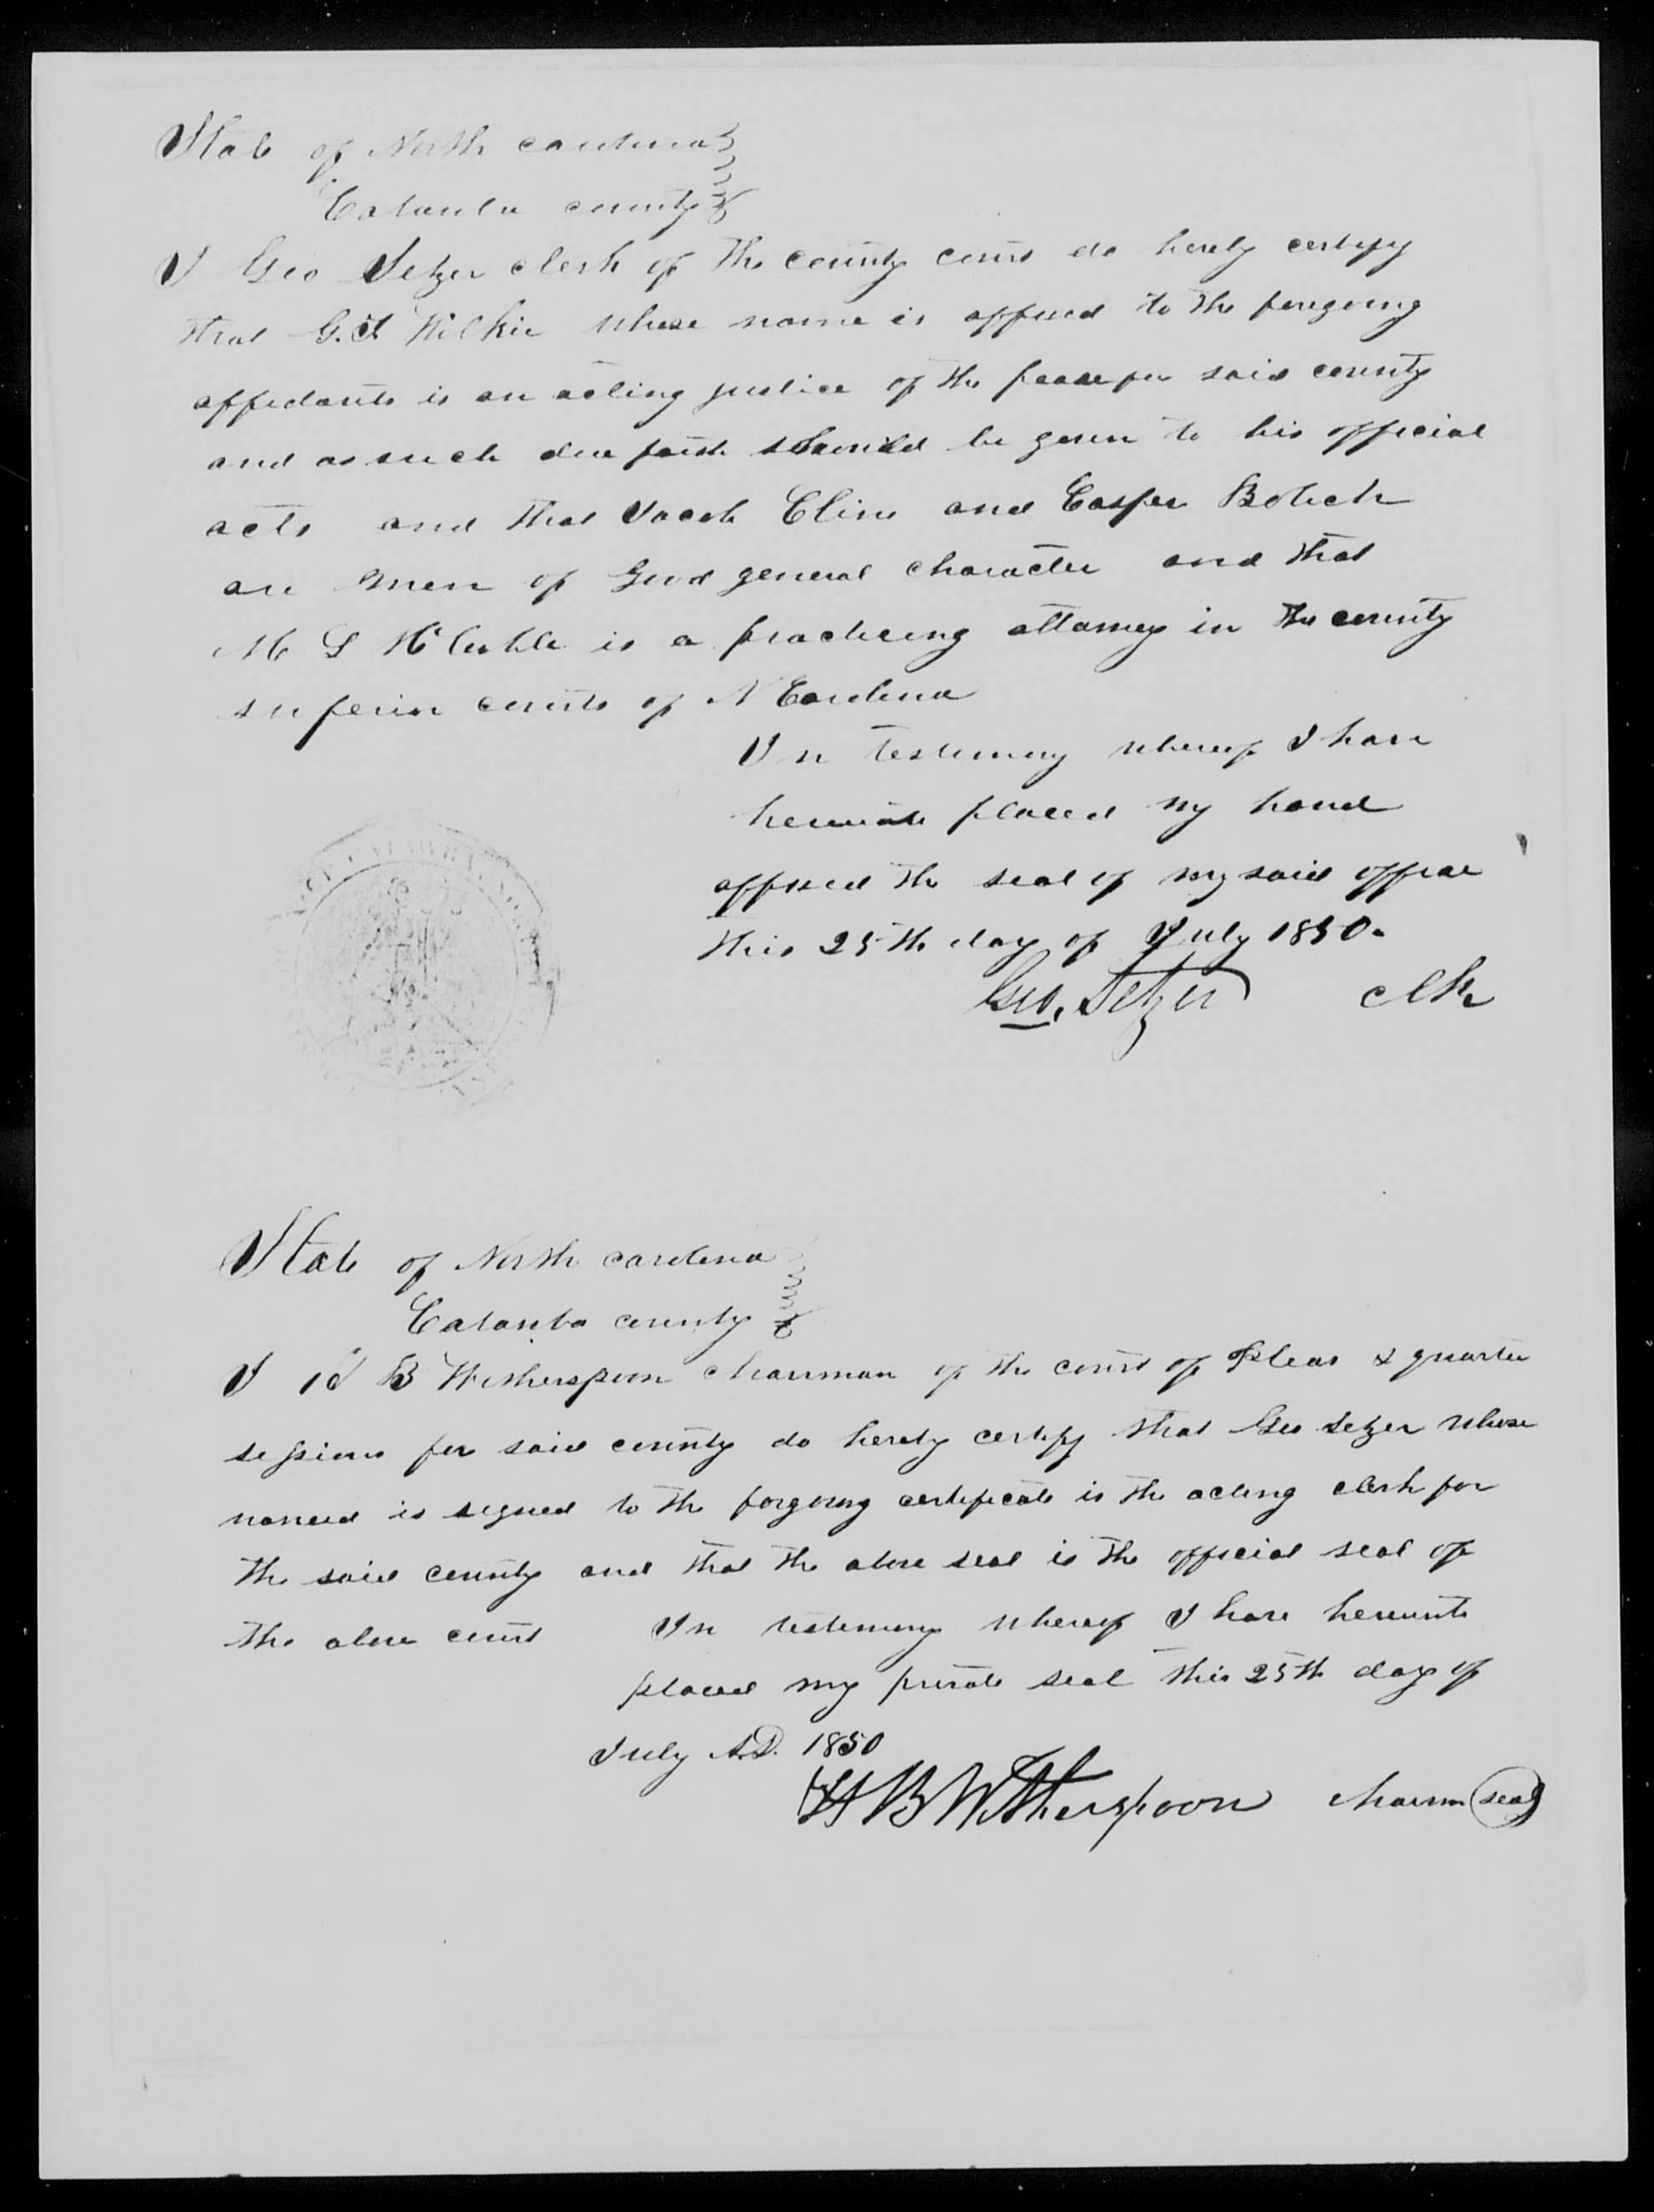State of North Carolina}
Catawba County}
I Geo. Setzer clerk of the county court do herby certify that G. J. Wilkie whose name is affixed to the foregoing affidavit is an acting justice of the peace for said county and as such due faith should be given to his official acts and that Jacob Cline and Casper Bolick are men of good general character and that M. L. McCorkle is a practicing attorney in the county superior courts of N. Carolina.
In testimony whereof I have herewith placed my hand affixed the seal of my said office this 25th day of July 1850.
[Signature] Geo. Setzer clk
[seal]

State of North Carolina}
Catawba county}
I H.B. Witherspoon  chairman of the court of pleas and quarter sessions for said county do hereby certify that Geo. Setzer whose name is signed to the foregoing certificate s the acting clerk for the said county and that the above seal is the official seal of the county and that the above seal is the official seal of the above court. In testimony whereof I have herewith placed my private seal this 25th day of July A. D. 1850
[Signature] H. B. Witherspoon Chairman [seal]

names: H B Wotherspoon, G J Wilkie, H B Wotherspoon, M L Mc Corkle, Geo Setzer, Geo Setzer, Jacob Cline, Geo Setzer, Casper Bolech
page: 31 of 43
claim: widow's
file: W. 18,566, Casper Bolick, N.C.